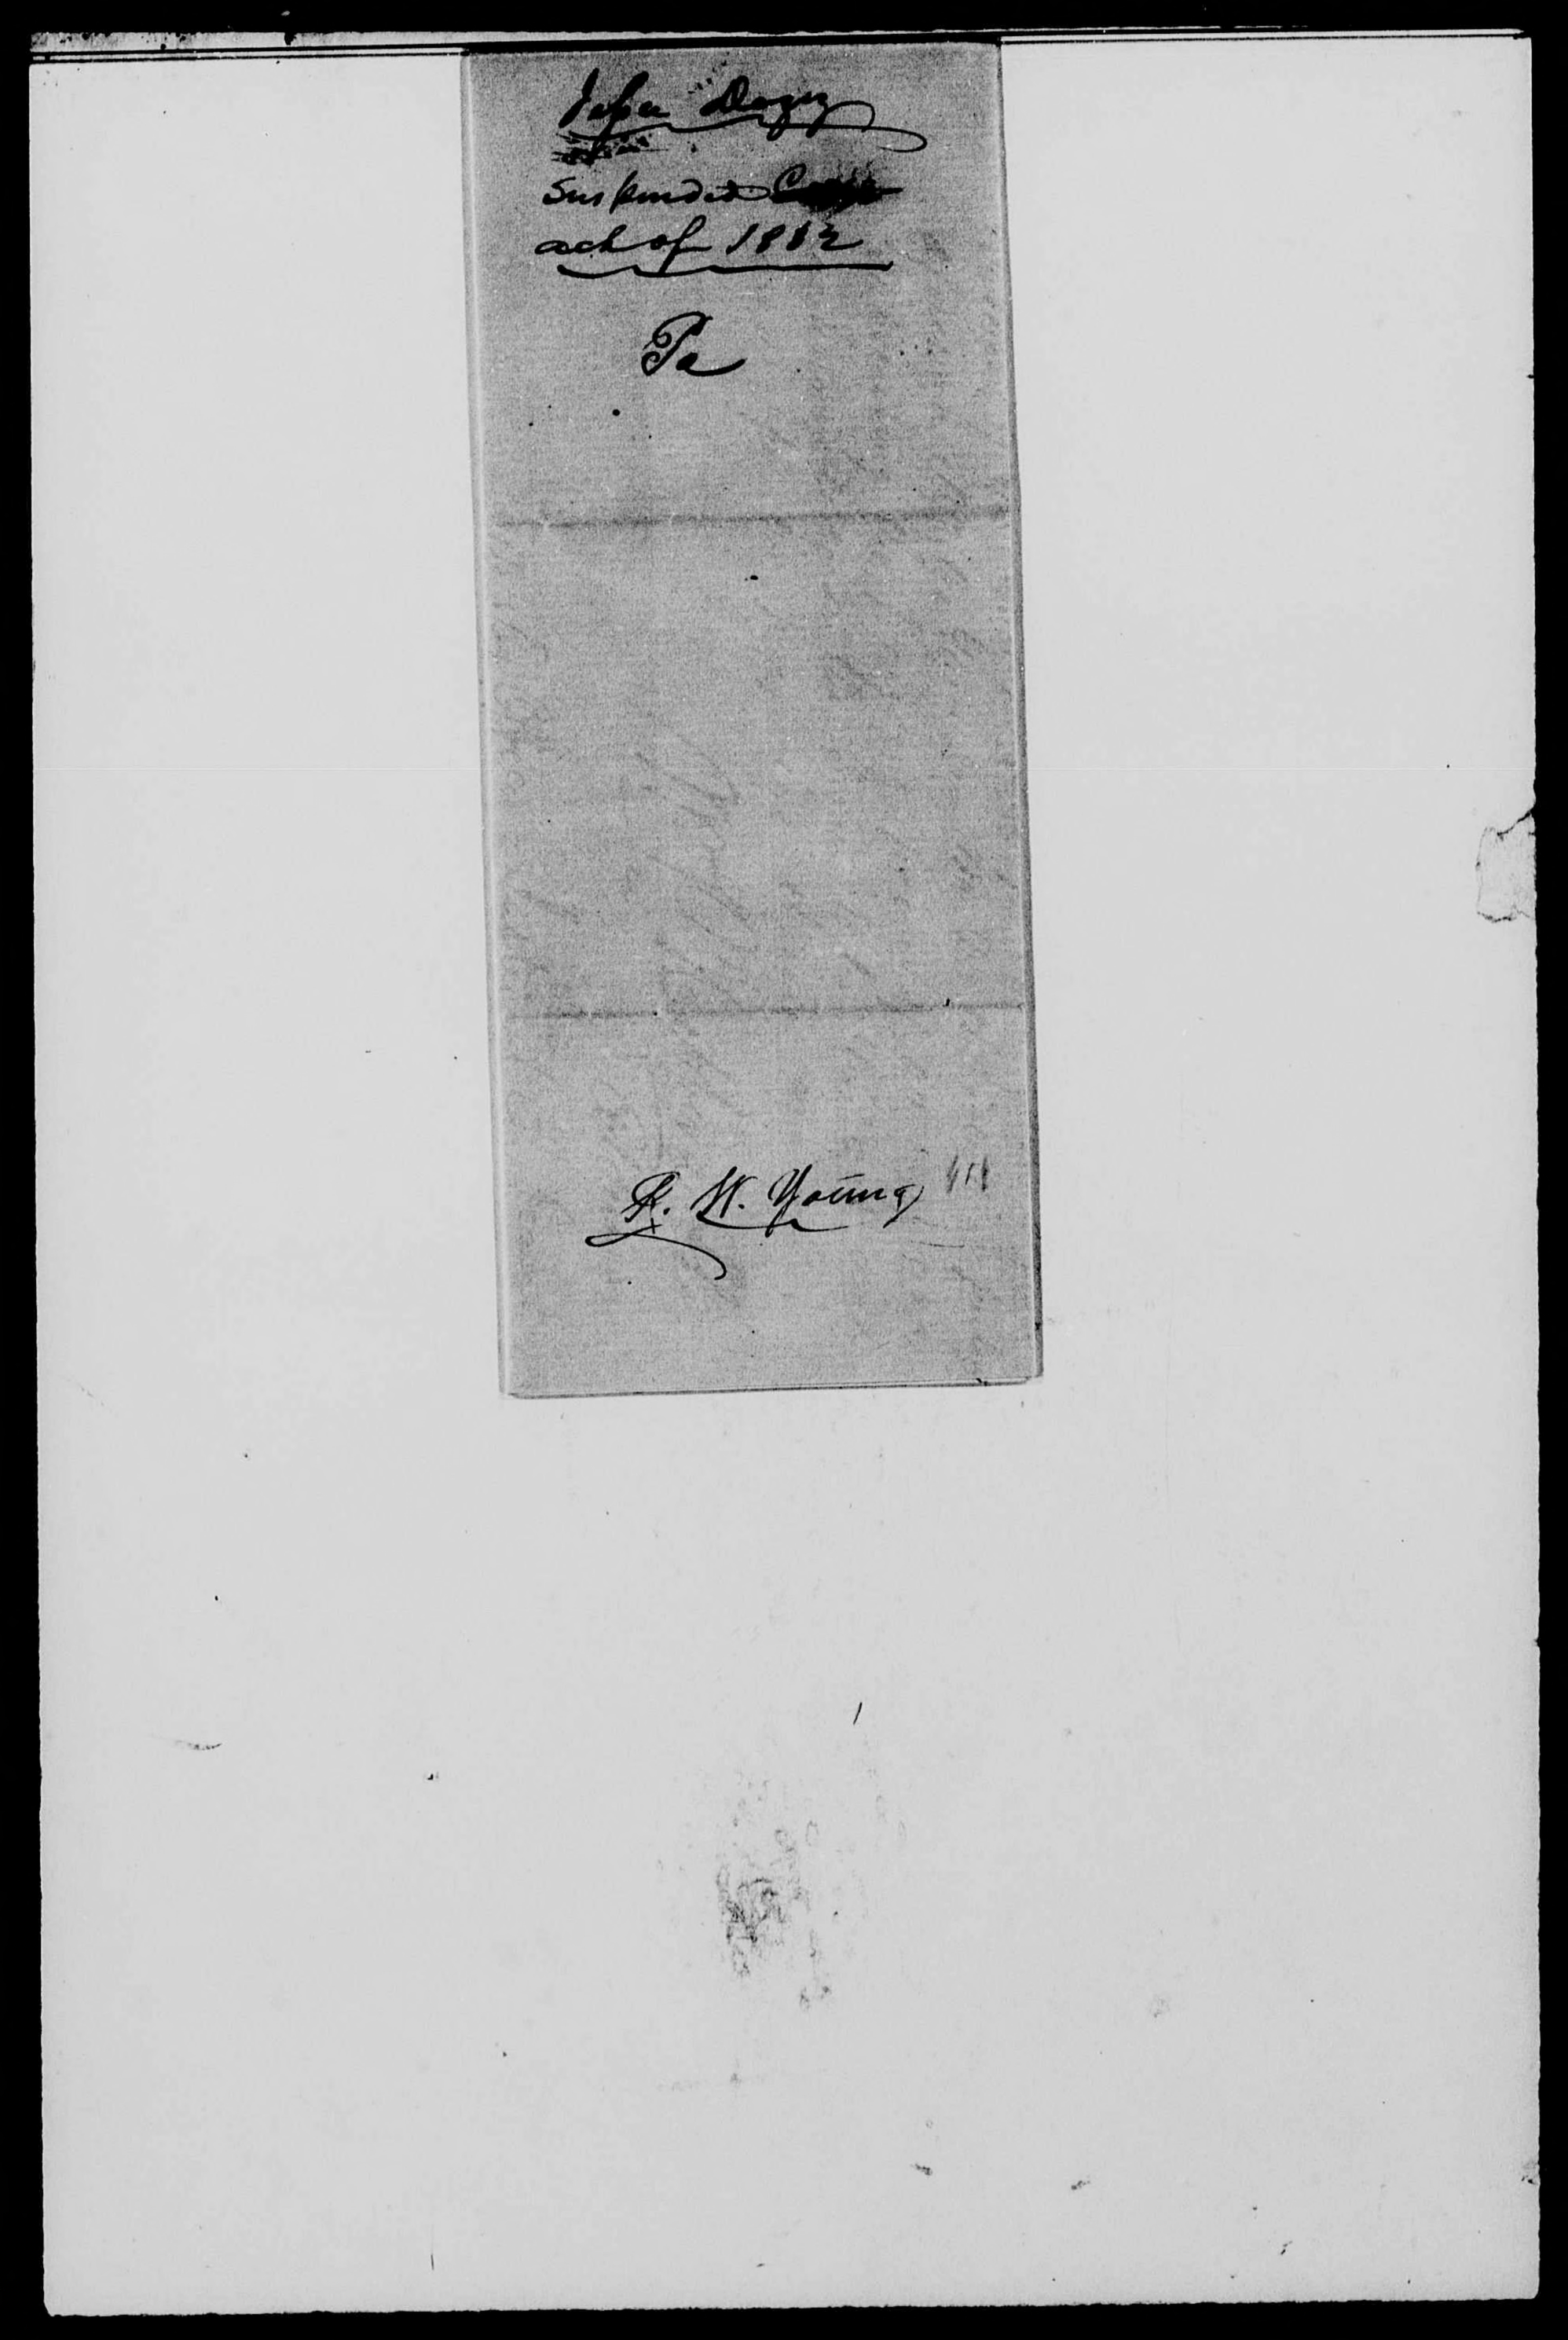Japer Dazey

Suspend at [illegible]
ach of 1882
PA

[illegible} W. Young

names: R W Young, Jesse Dazey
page: 5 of 32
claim: rejected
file: R. 2795, Jesse Dazey, Del.